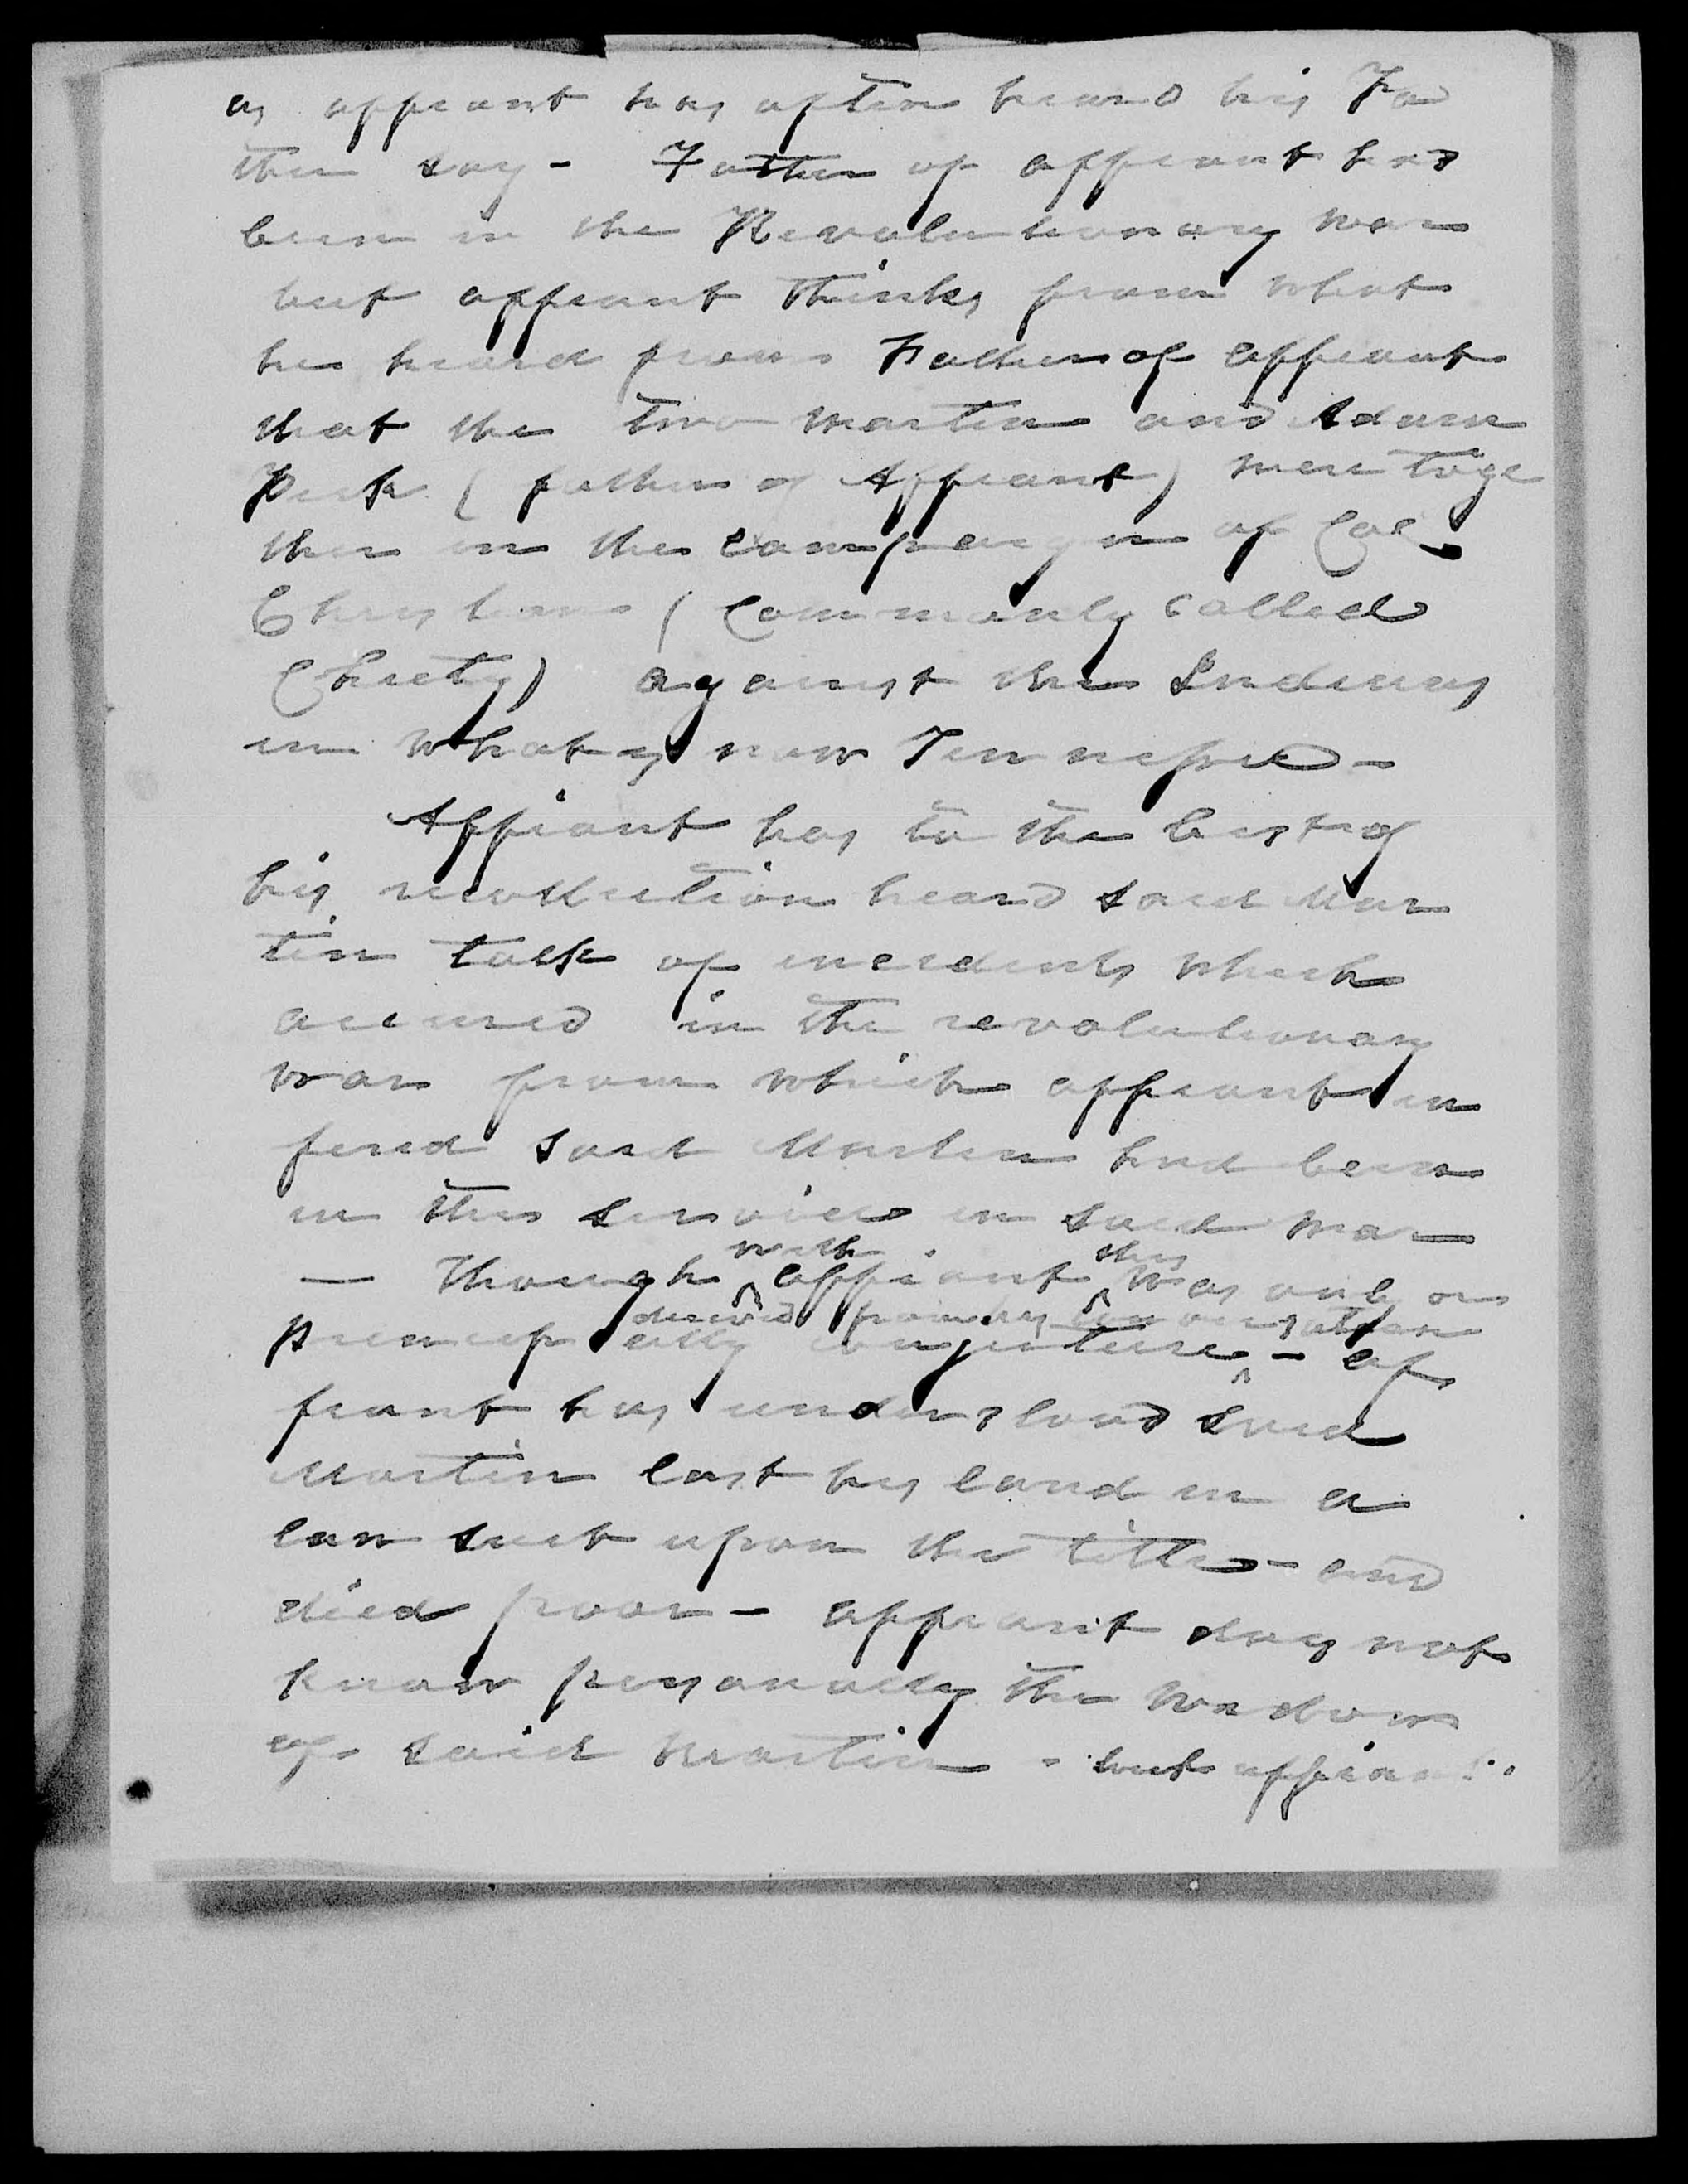as affiant has often heard his Fa
ther say-- Father of affiant had
been in the Revolutionary war
but affiant thinks from what
he heard from Father of affiant
that the time Martin and Adam
Peck (father of Affiant) were toge
ther in the campaign of Col 
Christian (commonly called 
Christy) against the Indians
in what is now Tennessee_
Affiant has to the best of
his recollection heard said Mar
tin talk of incidents which
accured [occurred] in the revolutionary
war from which appeared in
fered such Martin had been
in this service in said war
--though with affiant this was only as
principally conjecture deserved primary was [illegible]--af
fiant has understood such
Martin lost his land in a 
[illegible] such upon the title--and
died poor--affiant does not
know personally the Widow
of said Martin - Such affiant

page: 81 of 120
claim: widow's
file: W. 1044, for Salathiel Martin, North Carolina